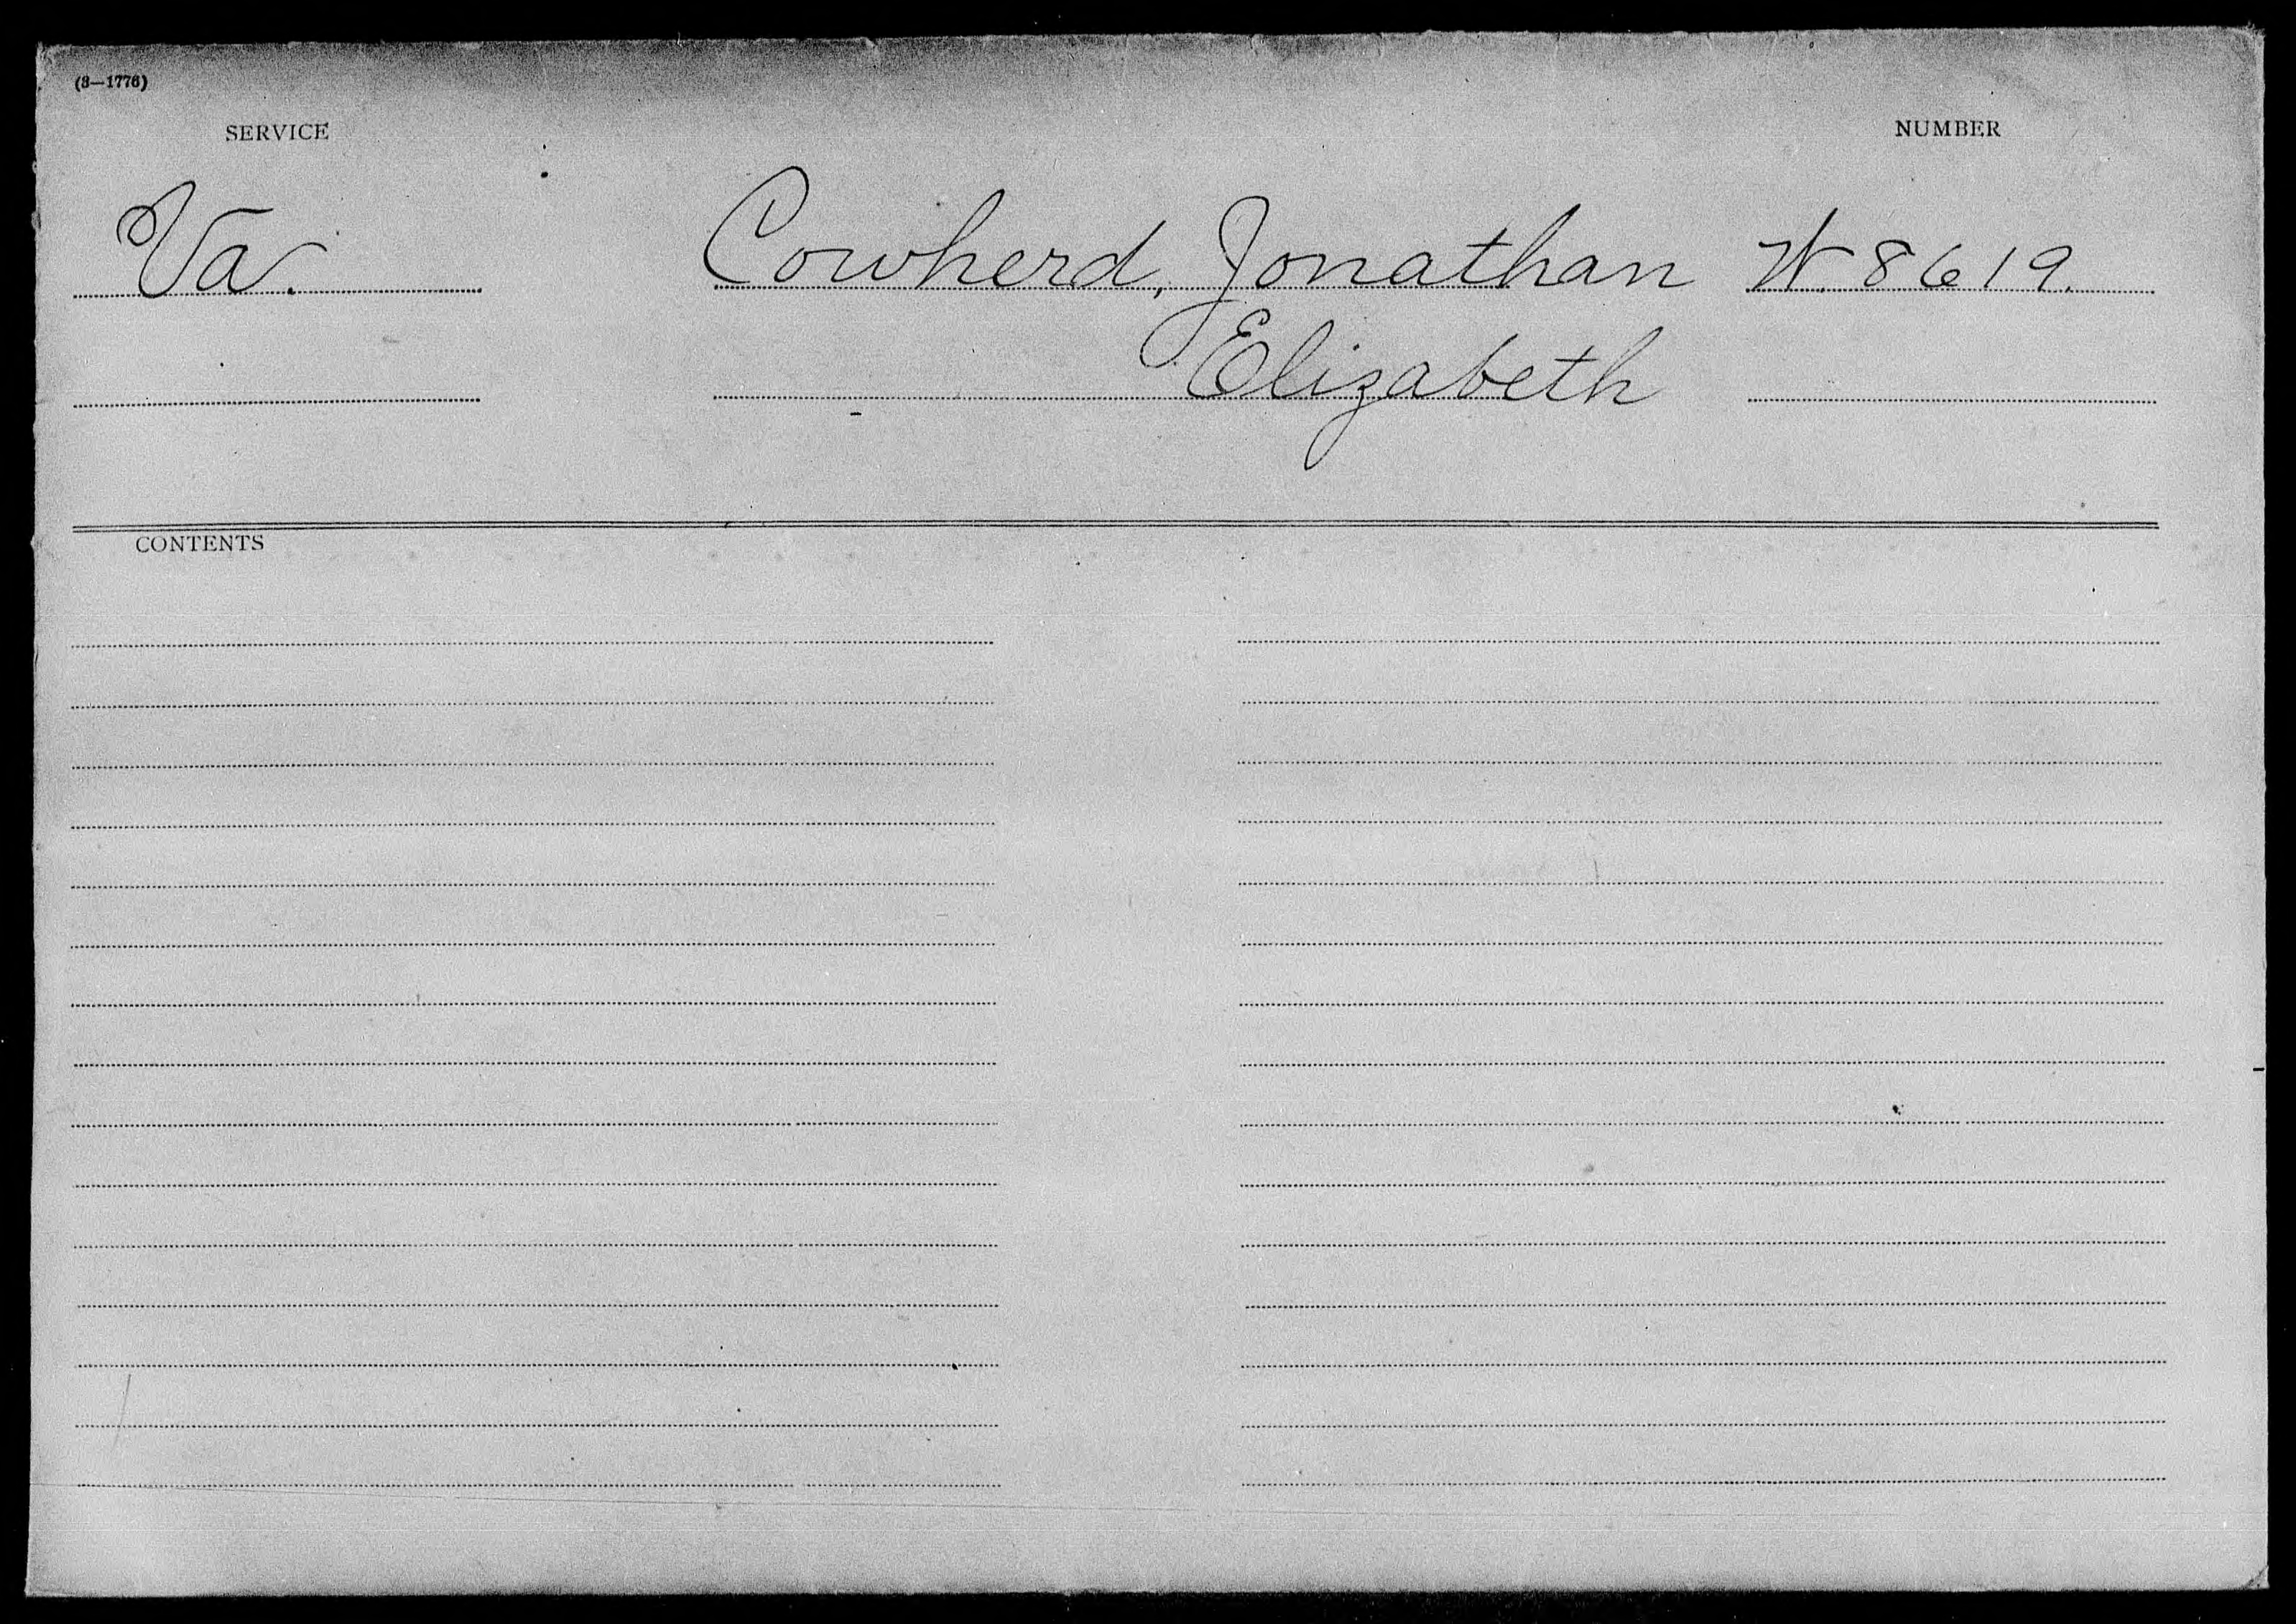Va.   Cowherd, Johnathan       W 8619
                          Elizabeth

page: 1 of 46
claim: widow's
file: W 8619, Jonathan Cowherd, Va.